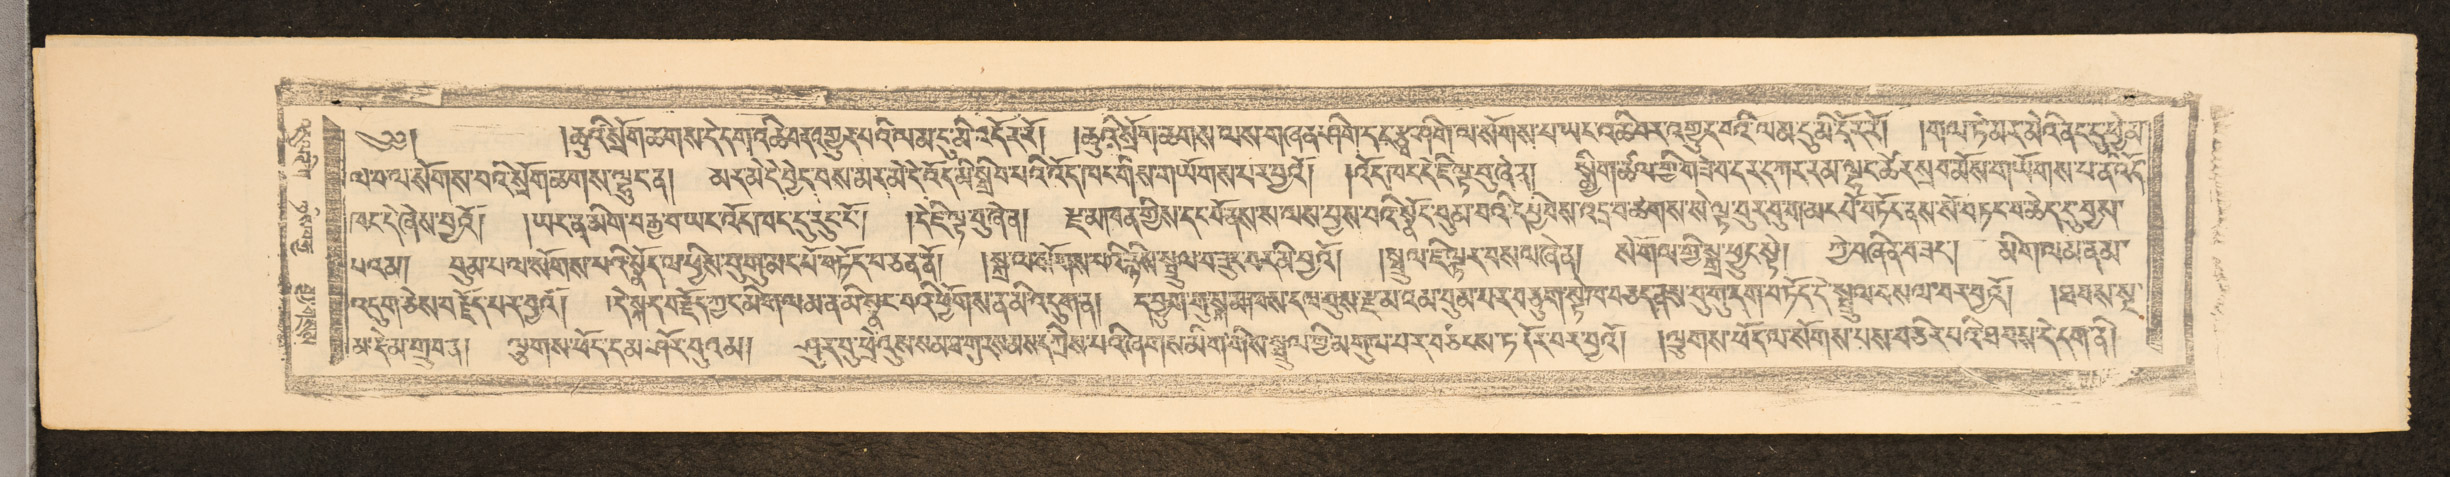༄༅། །ཆུའི་སྲོག་ཆགས་དེ་དག་འཆི་བར་འགྱུར་བའི་ལམ་དུ་མི་འདོར་རོ། །ཆུའི་སྲོག་ཆགས་ལས་གཞན་ཤིག་དང་རྩྭ་ཤིག་ལ་སོགས་པ་ཡང་འཆི་བར་འགྱུར་བའི་ལམ་དུ་མི་དོར་རོ། །གལ་ཏེ་མར་མེའི་ནང་དུ་ཕྱེ་མ་
ལེབ་ལ་སོགས་པའི་སྲོག་ཆགས་ལྷུང་ན། མར་མེ་དེ་བྱེད་པས་མར་མེ་དེ་འོད་མི་སྒྲིབ་པའི་འོད་ཁང་གིས་གཡོགས་པར་བྱའོ། །འོད་ཁང་དེ་ཇི་ལྟ་བུ་ཞེན། སྨྱིག་ཚལ་གྱི་གཟེབ་དར་དཀར་རམ་ལྷང་ཚེར་སྲབ་མོས་གཡོགས་པ་ནི་འོད་
ཁང་དེ་ཞེས་བྱའོ། །ཡང་ན་མིག་བརྒྱ་བ་ཡང་འོད་ཁང་དུ་རུང་ངོ། །དེ་ཇི་ལྟ་བུ་ཞེ་ན། རྫ་མཁན་གྱིས་དང་བོ་ནས་ས་ལས་བྱས་པའི་སྣོད་བུམ་བའི་དབྱིབས་འདྲ་བ་ཚགས་སེ་ལྟ་བུར་བུ་ག་མང་པོ་བཏོད་ནས་སོ་བཏང་བ་ཆེད་དུ་བྱས་
པའམ། བུམ་པ་ལ་སོགས་པའི་སྣོད་ལ་ཕྱིས་བུ་གུ་མང་པོ་བཏོད་པ་ཅན་ནོ། །སྐྲ་ལ་སོགས་པའི་རྙིས་སྦྲུལ་བཟུང་བར་མི་བྱའོ། །སྦྲུལ་ཇི་ལྟར་བསལ་ཞེ་ན། སེ་གོལ་གྱི་སྒྲ་ཕྱུང་སྟེ། ཀྱེ་བཞིན་བཟང་། མིག་ལམ་ན་མ་
འདུག་ཅེས་བརྗོད་པར་བྱའོ། །དེ་སྐད་བརྗོད་ཀྱང་མིག་ལམ་ན་མི་སྣང་བའི་ཕྱོགས་ན་མི་འདུག་ན། དབྱུག་གུ་སྐམ་ཁས་དལ་བུས་རྫམ་འམ་བུམ་པར་བཅུག་སྟེ་ཁ་བཅད་ནས་དུ་གུ་དག་བཏོད་དེ་སྦྲུལ་བསལ་བར་བྱའོ། །ཐབས་སྔ་
མ་དེ་མ་གྲུབ་ན། ལྕགས་ཕོད་དམ་ཤོར་བུའམ། ཤུར་བུ་ཕྲེའུས་སམ་ཐ་གུ་ར་སམས་དཀྲིས་པའི་ཞགས་མིག་གིས་སྦྲུལ་གྱི་མགུལ་བར་བཅིངས་ཏེ་དོར་བར་བྱའོ། །ལྕགས་ཕོད་ལ་སོགས་པས་བཅིང་པའི་ཐབས་དེ་དག་ནི།